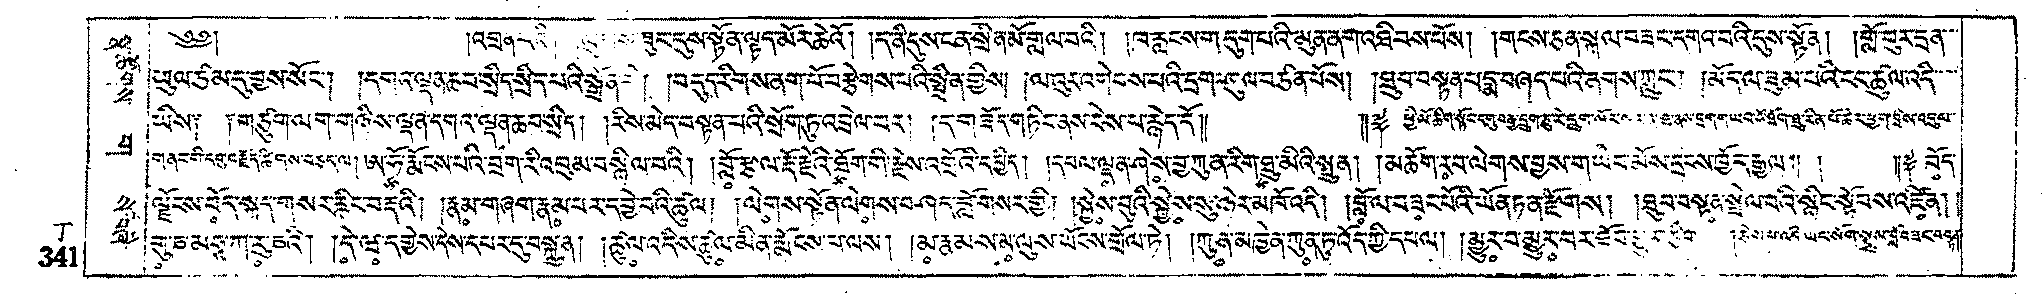༄༅། །འགྲན་པའི། །ལུགས་ཟུང་དུས་སྟོན་ལྟད་མོར་ཆེའོ། །ད་ནི་དུས་ངན་སྲིན་མོ་གླལ་བའི། །ཁ་རླངས་གདུག་པའི་མུན་ནག་འཐིབས་པོས། །གངས་ཅན་སྐལ་བཟང་དགའ་བའི་དུས་སྟོན། །གློ་བུར་དྲན་་་
ཡུལ་ཙམ་དུ་བྱས་སོང་། །དགའ་ལྡན་ཆབ་སྲིད་སྲིད་པའི་སྒྲོན་མེ། །བདུད་རིགས་ནག་པོ་བརྩེགས་པའི་སྤྲིན་གྱིས། །ལ་འུར་འགེབས་པའི་དྲག་ཤུལ་བཙན་པོས། །ཐུབ་བསྟན་པདམ་བཞད་པའི་ནགས་ཀླུང་། །མོད་ལ་ཟུམ་པའི་ངང་ཚུལ་འདི་་་
ཡིས༑ ༑གཙུག་ལག་གཉིས་ལྡན་དགའ་ལྡན་ཆབ་སྲིད། །རིས་མེད་བསྟན་པའི་སྲོག་ཏུ་འབྲེལ་བར། །ད་གཟོད་གཏིང་ནས་ངེས་པ་རྙེད་དོ།། །། འ་ཕྱི་ལོ་ཆིག་སྟོང་དགུ་བརྒྱ་དྲུག་ཅུ་རེ་དྲུག་ལོར་སར་ན་ཐ་ནས་བྲག་གཡབ་ཧོ་ཐོག་ཐུ་རིན་པོ་ཆེར་ཕྱག་བྲིས་འབུལ་་་
གནང་གི་དབུ་བརྗོད་ཚིགས་བཅད་ལ། ཨ་ཧོ་རྨོངས་པའི་བྲག་རི་འབུམ་བསྙིལ་བའི། །བློ྾་རྩལ་རྡོ་རྗེའི་ཐོག་གི་རྗེས་འགྲོའི་དཔྱིད། །དཔལ་ལྡན྾་ཤེས྾་བྱ་ཀུན་རིག་ཐུ་མིའི་སྤུན། །མཆོག་རབ྾་ལེགས་བྱས་གཡབ་མོས་དྲངས་ཁྱོད་རྒྱལ།། །།། འ་བོད྾་
ལྗོངས་བོད྾་སྐད་གསར་རྙིང་བརྡའི། །རྣམ྾་གཞག་རྣམ྾་པར་དབྱེ་བའི་ཚུལ། །ལེགས྾་སྟོན་ལེགས྾་བཤད་བློ་གསར་གྱི། །སྐྱེས྾་བུའི་སྐྱེས྾་སུ་ཉེར་མཁོ་འདི། །བློ྾་ལ་བཟང྾་པོའི་ཡོན་ཏན་རྫོགས། །ཐུབ་བསྟན྾་སྤེལ་བའི་སྙིང་སྟོབས་འཛིན྾། །
གུ྾་ཎ་མཧཱ་ཀ་རུ྾་ཎའི། །དེ྾་ཝ྾་དགྱེས་དེས་དཔར་དུ་བསྐྲུན། །ཚུལ྾་འདིས་ཚུལ྾་མིན་རྨོངས་པ་ལས། །མ྾་རྣམས་མ྾་ལུས་ཡོངས་གྲོལ་ཏེ། །ཀུན྾་མཁྱེན་ཀུན྾་ཏུ་འོད་ཀྱི་དཔལ། །མྱུར྾་བ་མྱུར྾་བར་ཐོབ་གྱུར་ཅིག །ཅེས་པ་འདི་ཡང་སོགས་སྤྲུལ་བློ་བཟང་བསྟན་